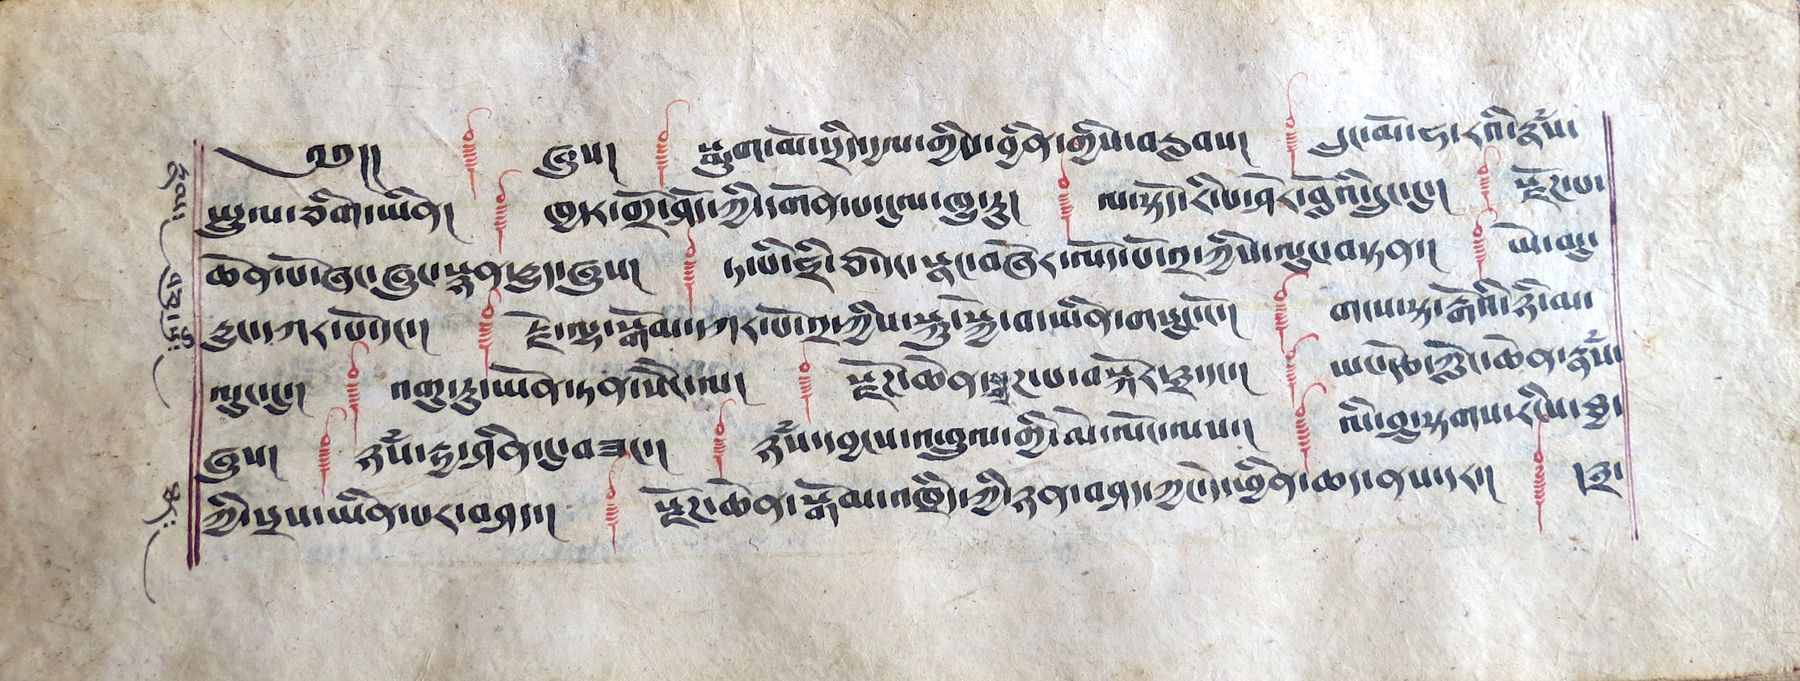ཞུས། སྨུག་མོ་སྲིད་རྒྱལ་གྱིས་བྱིན་གྱིས་རླབས། དྲུང་མུ་ཧ་རའི་རྣམ་
སྤྲུལ་ཞིག་ཡིན། ཁྱད་པར་གྲོ་ཤོད་ཀྱི་དགོན་ཏུལ་ཁྱུ་རུ། ལ་སྟོད་རི་པ་ཤེར་བློའི་དྲུང་དུ། རྫོགས་པ་
ཆེན་པོ་ཞང་ཞུང་སྙན་རྒྱུད་ཞུས། ཏ་པི་ཧྲི་ཙ་དང་སྣང་བཞེར་ལོད་པོ་གཉིས་ཀྱིས་ལུང་བསྟན། ཡེ་མུ་
རྒྱུང་དཀར་པོ་དང་། རྗེ་ལྷ་སྒོམ་དཀར་པོ་གཉིས་ཀྱི་སྐུ་སྐྱེ་བ་ཡིན་གསུངས་སོ། ། གངས་རྟ་སྒོ་ཉི་མ་
ལུང་དུ་གུ་རུ་ཡོན་ཏན་སེང་གེ་ལ། རྫོགས་ཆེན་བསྒྲགས་པ་སྐོར་གསུམ། ཡངས་རྩེ་ཀློང་ཆེན་རྣམས་
ཞུས། ཉམས་རྟགས་ཤིན་ཏུ་བཟང་། ཉམས་མྱོང་འཕྲུལ་གྱི་མེ་ལོང་ལས། ལི་ཤུ་སྟག་རིངས་ཐུགས་
ཀྱི་སྲས་ཡིན་པར་བཤད། རྫོགས་ཆེན་སྒོམ་ཁྲིད་ཀྱི་ཉན་བཤད་ཀྱང་དེ་ཕྱིན་ཆད་ནས་དར། གསུམ་